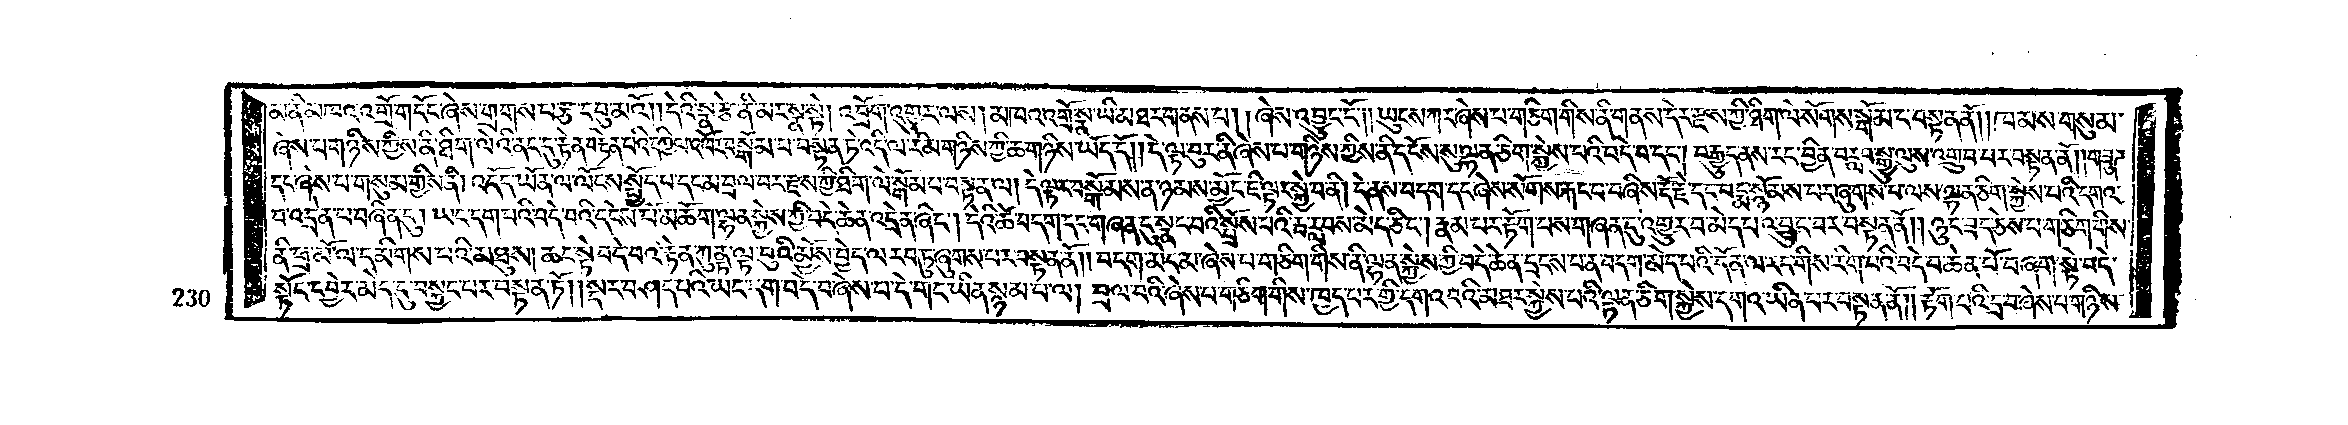མ་ནི་མཁའ་འགྲོ་གདོང་ཞེས་གྲགས་པ་རྩ་དབུ་མའོ། །དེའི་སྣ་རྩེ་ནི་མར་སྣ་སྟེ། འབྲོག་འགྱུར་ལས། མཁའ་འགྲོ་སྣ་ཡི་མཐར་གནས་པ། །ཞེས་འབྱུང་ངོ། །ཡུངས་ཀར་ཞེས་པ་གཅིག་གིས་ནི་གནས་དེར་རྫས་ཀྱི་ཐིག་ལེ་སོགས་སྒོམ་པ་བསྟན་ནོ། །ཁམས་གསུམ་
ཞེས་པ་གཉིས་ཀྱིས་ནི་ཐིག་ལེའི་ནང་དུ་རྟེན་བརྟེན་པའི་དཀྱིལ་འཁོར་བསྒོམ་པ་བསྟན་ཏེ་འདི་ལ་རིམ་གཉིས་ཀྱི་ཆ་གཉིས་ཡོད་དོ། །དེ་ལྟ་བུར་ནི་ཞེས་པ་གཉིས་ཀྱིས་ནི་དངོས་སུ་ལྷན་ཅིག་སྐྱེས་པའི་བདེ་བ་དང་། བརྒྱུད་ནས་རང་བྱིན་བརླབ་སྒྱུ་ལུས་འགྲུབ་པར་བསྟན་ནོ། །གཟུགས་
དང་ཞེས་པ་གསུམ་གྱིས་ནི། འདོད་ཡོན་ལ་ལོངས་སྤྱོད་པ་དང་མ་བྲལ་བར་རྫས་ཀྱི་ཐིག་ལེ་སྒོམ་པ་བསྟན་ལ། དེ་ལྟར་བསྒོམས་ན་ཉམས་མྱོང་ཇི་ལྟར་སྐྱེ་བ་ནི། དེ་ནས་བདག་དང་ཞེས་སོགས་རྐང་པ་བཞིས་རྡོ་རྗེ་དང་པདམ་སྙོམས་པར་ཞུགས་པ་ལས་ལྷན་ཅིག་སྐྱེས་པའི་དགའ་
བ་འདྲེན་པ་བཞིན་དུ། ཡང་དག་པའི་བདེ་བའི་དངོས་པོ་མཆོག་ལྷན་སྐྱེས་ཀྱི་བདེ་ཆེན་འདྲེན་ཞིང་། དེའི་ཚེ་བདག་དང་གཞན་དུ་སྣང་བའི་སྤྲོས་པའི་རྦ་རླབས་མེད་ཅིང་། རྣམ་པར་རྟོག་པས་གཞན་དུ་འགྱུར་བ་མེད་པ་འབྱུང་བར་བསྟན་ནོ། །ཉུང་ཟད་ཅེས་པ་གཅིག་གིས་
ནི་ཕྲ་མོ་ལ་དམིགས་པའི་མཐུས། ཆང་སྟེ་བདེ་བའི་རྟེན་ཀུནྟ་ལྟ་བུའི་མྱོས་བྱེད་ལ་རབ་ཏུ་ཞུགས་པར་བསྟན་ནོ། །བདག་མེད་མ་ཞེས་པ་གཅིག་གིས་ནི་ལྷན་སྐྱེས་ཀྱི་བདེ་ཆེན་དྲངས་པ་ན་བདག་མེད་པའི་དོན་ལ་རང་གིས་རིག་པའི་བདེ་བ་ཆེན་པོ་བཞག་སྟེ་བདེ་
སྟོང་དབྱེར་མེད་དུ་བསྐྱང་པར་བསྟན་ཏོ། །སྔར་བཤད་པའི་ཡང་དག་བདེ་བ་ཞེས་པ་དེ་གང་ཡིན་སྙམ་པ་ལ། བྲལ་བའི་ཞེས་པ་གཅིག་གིས་ཁྱད་པར་གྱི་དགའ་བའི་མཐར་སྐྱེས་པའི་ལྷན་ཅིག་སྐྱེས་དགའ་ཡིན་པར་བསྟན་ནོ། །རྟོག་པའི་དྲ་བ་ཞེས་པ་གཉིས་